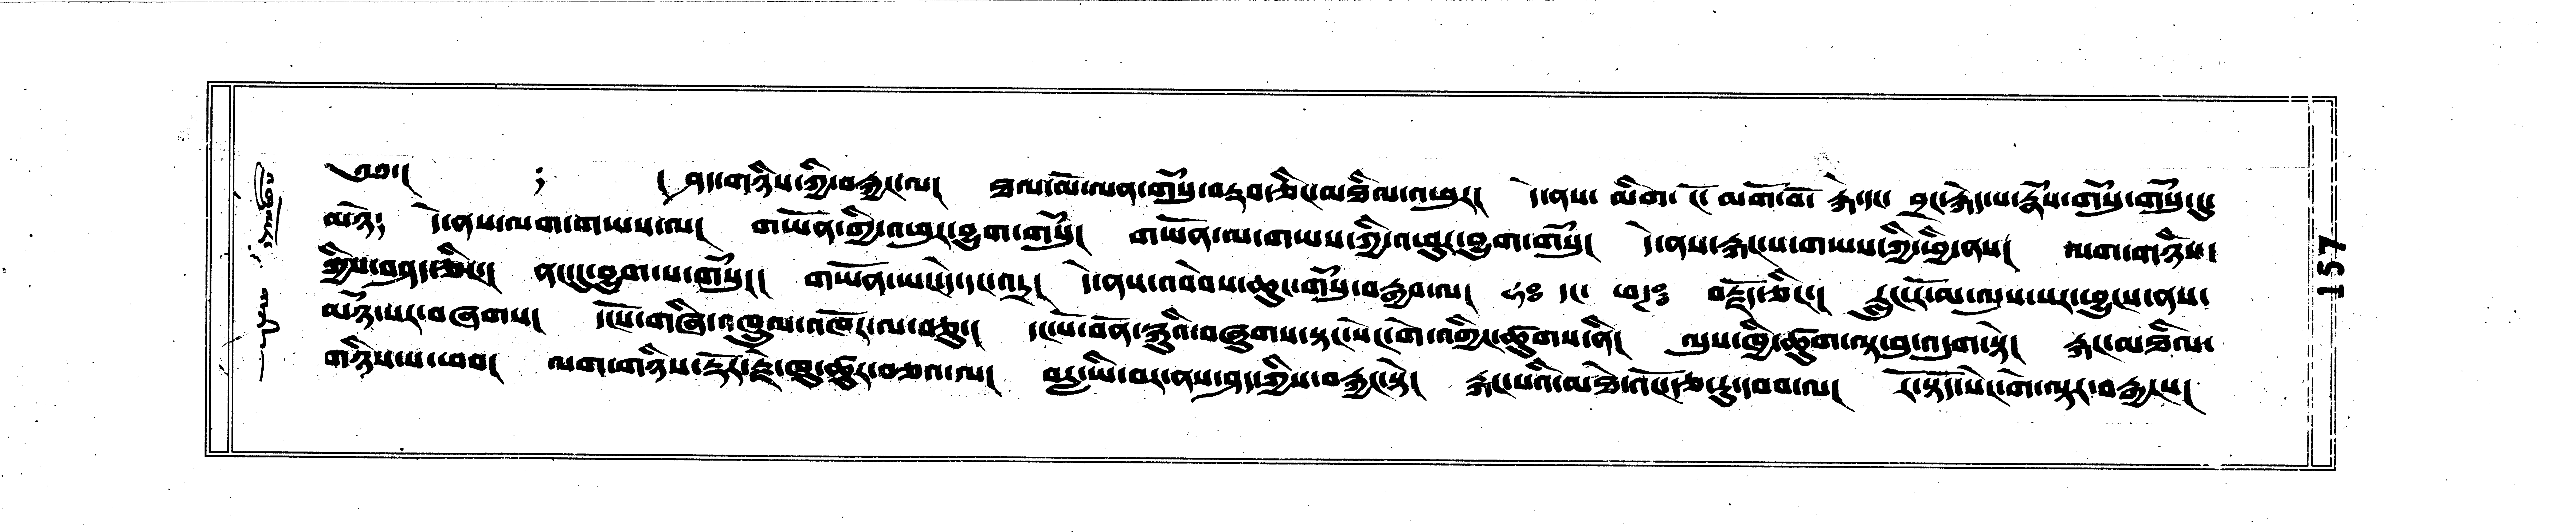ཤད་གཉིས་ཀྱིས་བརྐྱང་ལ། ཐལ་མོ་ལན་གསུམ་བརྡབ་ཅིང་མཐིལ་འཕུར། དེ་ནས་མིག་ངོ་མགོ་བོ་རྐེ་དང་བྲང་རྐེད་པ་རྣམས་གསུམ་གསུམ་དུ་
མཉེ། དེ་ནས་ལག་གཡས་ལ་གཡོན་གྱིས་འཕུར་བྱུག་གསུམ། གཡོན་ལ་གཡས་ཀྱིས་འཕུར་བྱུག་གསུམ། དེ་ནས་རྐང་པ་གཡས་ཀྱི་ཕྱི་ནས་ལག་གཉིས་
ཀྱིས་བཤད་ཅིང་། ནང་དུ་བྱུག་པ་གསུམ། གཡོན་ཡང་དེ་དང་འདྲ། དེ་ནས་འབེབས་ཆུང་གསུམ་བརྒྱབས་ལ། ཧ་དང་ཕཊཿ བརྗོད་ཅིང་། རླུང་རོ་མ་ལུས་པ་ཕྱུང་ནས་
མཉམ་པར་བཞག དངོས་གཞི་འཁྲུལ་འཁོར་ལ་བཅུ། དང་པོ་བོན་སྐུའི་བཞུགས་སྟངས་སེང་གེ་འགྱིང་ཚུགས་ནི། ལུས་ཁྱི་ཚུགས་ལྟ་བུ་འདུག་སྟེ། རྐང་མཐིལ་
གཉིས་ས་ལ་ཕབ། ལག་གཉིས་རྡོ་རྗེ་ཁུ་ཚུར་བཅའ་ལ། བརླ་ཡི་བར་ནས་ཤད་ཀྱིས་བརྐྱང་སྟེ་རྐང་པའི་མཐེ་བོང་རྩ་རུ་དབབ་ལ། རོ་སྟོད་སེང་གེ་ལྟར་བརྐྱངས།